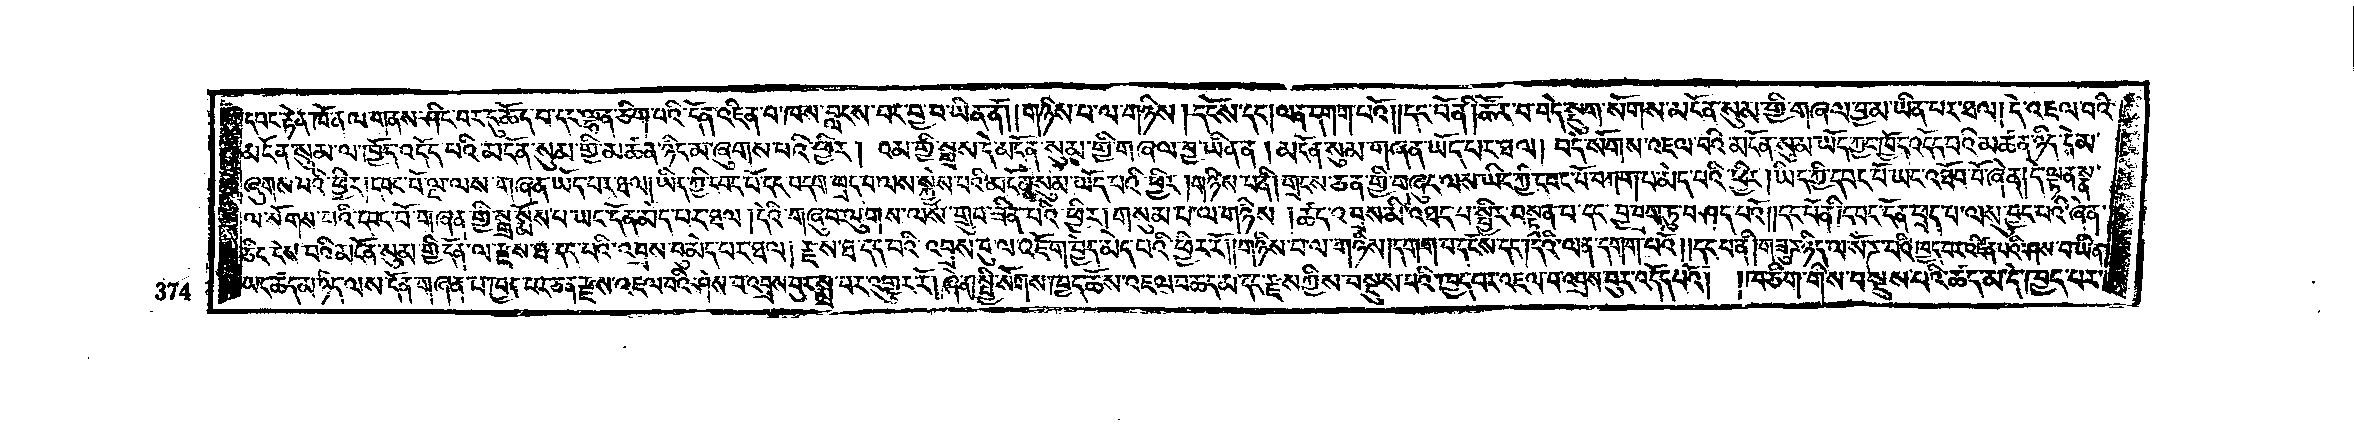དབང་རྟེན་ཁོ་ན་ལ་གནས་ཤིང་བར་དུ་ཆོད་པ་དང་ལྷན་ཅིག་པའི་དོན་འཛིན་པ་ཁས་བླངས་པར་བྱ་བ་ཡིན་ནོ། །གཉིས་པ་ལ་གཉིས། དངོས་དང་། ལན་དགག་པའོ། །དང་པོ་ནི། ཚོར་བ་བདེ་སྡུག་སོགས་མངོན་སུམ་གྱི་གཞལ་བྱ་མ་ཡིན་པར་ཐལ། དེ་འཇལ་བའི་
མངོན་སུམ་ལ་ཁྱོད་འདོད་པའི་མངོན་སུམ་གྱི་མཚན་ཉིད་མ་ཞུགས་པའི་ཕྱིར། འམ་གྱི་སྒྲས་དེ་མངོན་སུམ་གྱི་གཞལ་བྱ་ཡིན་ན། མངོན་སུམ་གཞན་ཡོད་པར་ཐལ། བདེ་སོགས་འཇལ་བའི་མངོན་སུམ་ཡོད་ཀྱང་ཁྱོད་འདོད་པའི་མཚན་ཉིད་དེ་མ་
ཞུགས་པའི་ཕྱིར། དབང་པོ་ལྔ་ལས་གཞན་ཡོད་པར་ཐལ། ཡིད་ཀྱི་དབང་པོ་དང་བདག་ཕྲད་པ་ལས་སྐྱེས་པའི་མངོན་སུམ་ཡོད་པའི་ཕྱིར། གཉིས་པ་ནི། གྲངས་ཅན་གྱི་གཞུང་ལས་ཡིང་ཀྱི་དབང་པོ་བཀག་པ་མེད་པའི་ཕྱིར། ཡིད་ཀྱི་བང་པོ་ཡང་འཐོབ་པོ་ཞེ་ན། ཞེས་ལྟན་སྣ་
ལ་སོགས་པའི་དབང་པོ་གཞན་གྱི་སྒྲ་སྨོས་པ་ཡང་དོན་མེད་པར་ཐལ། དེའི་གཞུབ་ལུགས་ལས་གྲུབ་ཟིན་པའི་ཕྱིར། གསུམ་པ་ལ་གཉིས། ཚད་འབྲས་མི་འཐད་པ་སྤྱིར་བསྟན་པ་དང་བྱ་བྲག་ཏུ་བཤད་པའོ། །དང་པོ་ནི། དབང་དོན་ཕྲད་པ་ལས་བྱུང་བའི་ཞེ་ན་
ཅིང་ངེས་པའི་མངོན་སུམ་གྱི་དོན་ལ་རྫས་ཐ་དད་པའི་འབྲས་བུ་མེད་པར་ཐལ། རྫས་ཐ་དད་པའི་འབྲས་བུ་ལ་འཇོག་བྱེད་བྱེད་པའི་ཕྱིར་རོ། །གཉིས་པ་ལ་གཉིས། དགག་པ་དངོས་དང་། དེའི་ལན་དགག་པའོ། །དང་པོ་ནི། གཟུགས་ཉིད་ལ་སོགས་པའི་ཁྱད་པར་འཛིན་པའི་ཤེས་པ་ཡིན་
ཡང་ཚད་མ་ཉིད་ལས་དོན་གཞན་པ་ཁྱད་པར་ཅན་རྫས་འཇལ་བའི་ཤེས་པ་འབྲས་བུར་སྨྲ་བར་འགྱུར་རོ། །ཞེ་ན། སྤྱི་སོགས་ཁྱད་ཆོས་འཇལ་བ་ཚད་མ་དང་རྫས་ཀྱིས་བསྡུས་པའི་ཁྱད་པར་འཇལ་བ་འབྲས་བུར་འདོད་པའོ། །ཁ་ཅིག་གིས་བསྡུས་པའི་ཚད་མ་དེ་ཁྱད་པར་